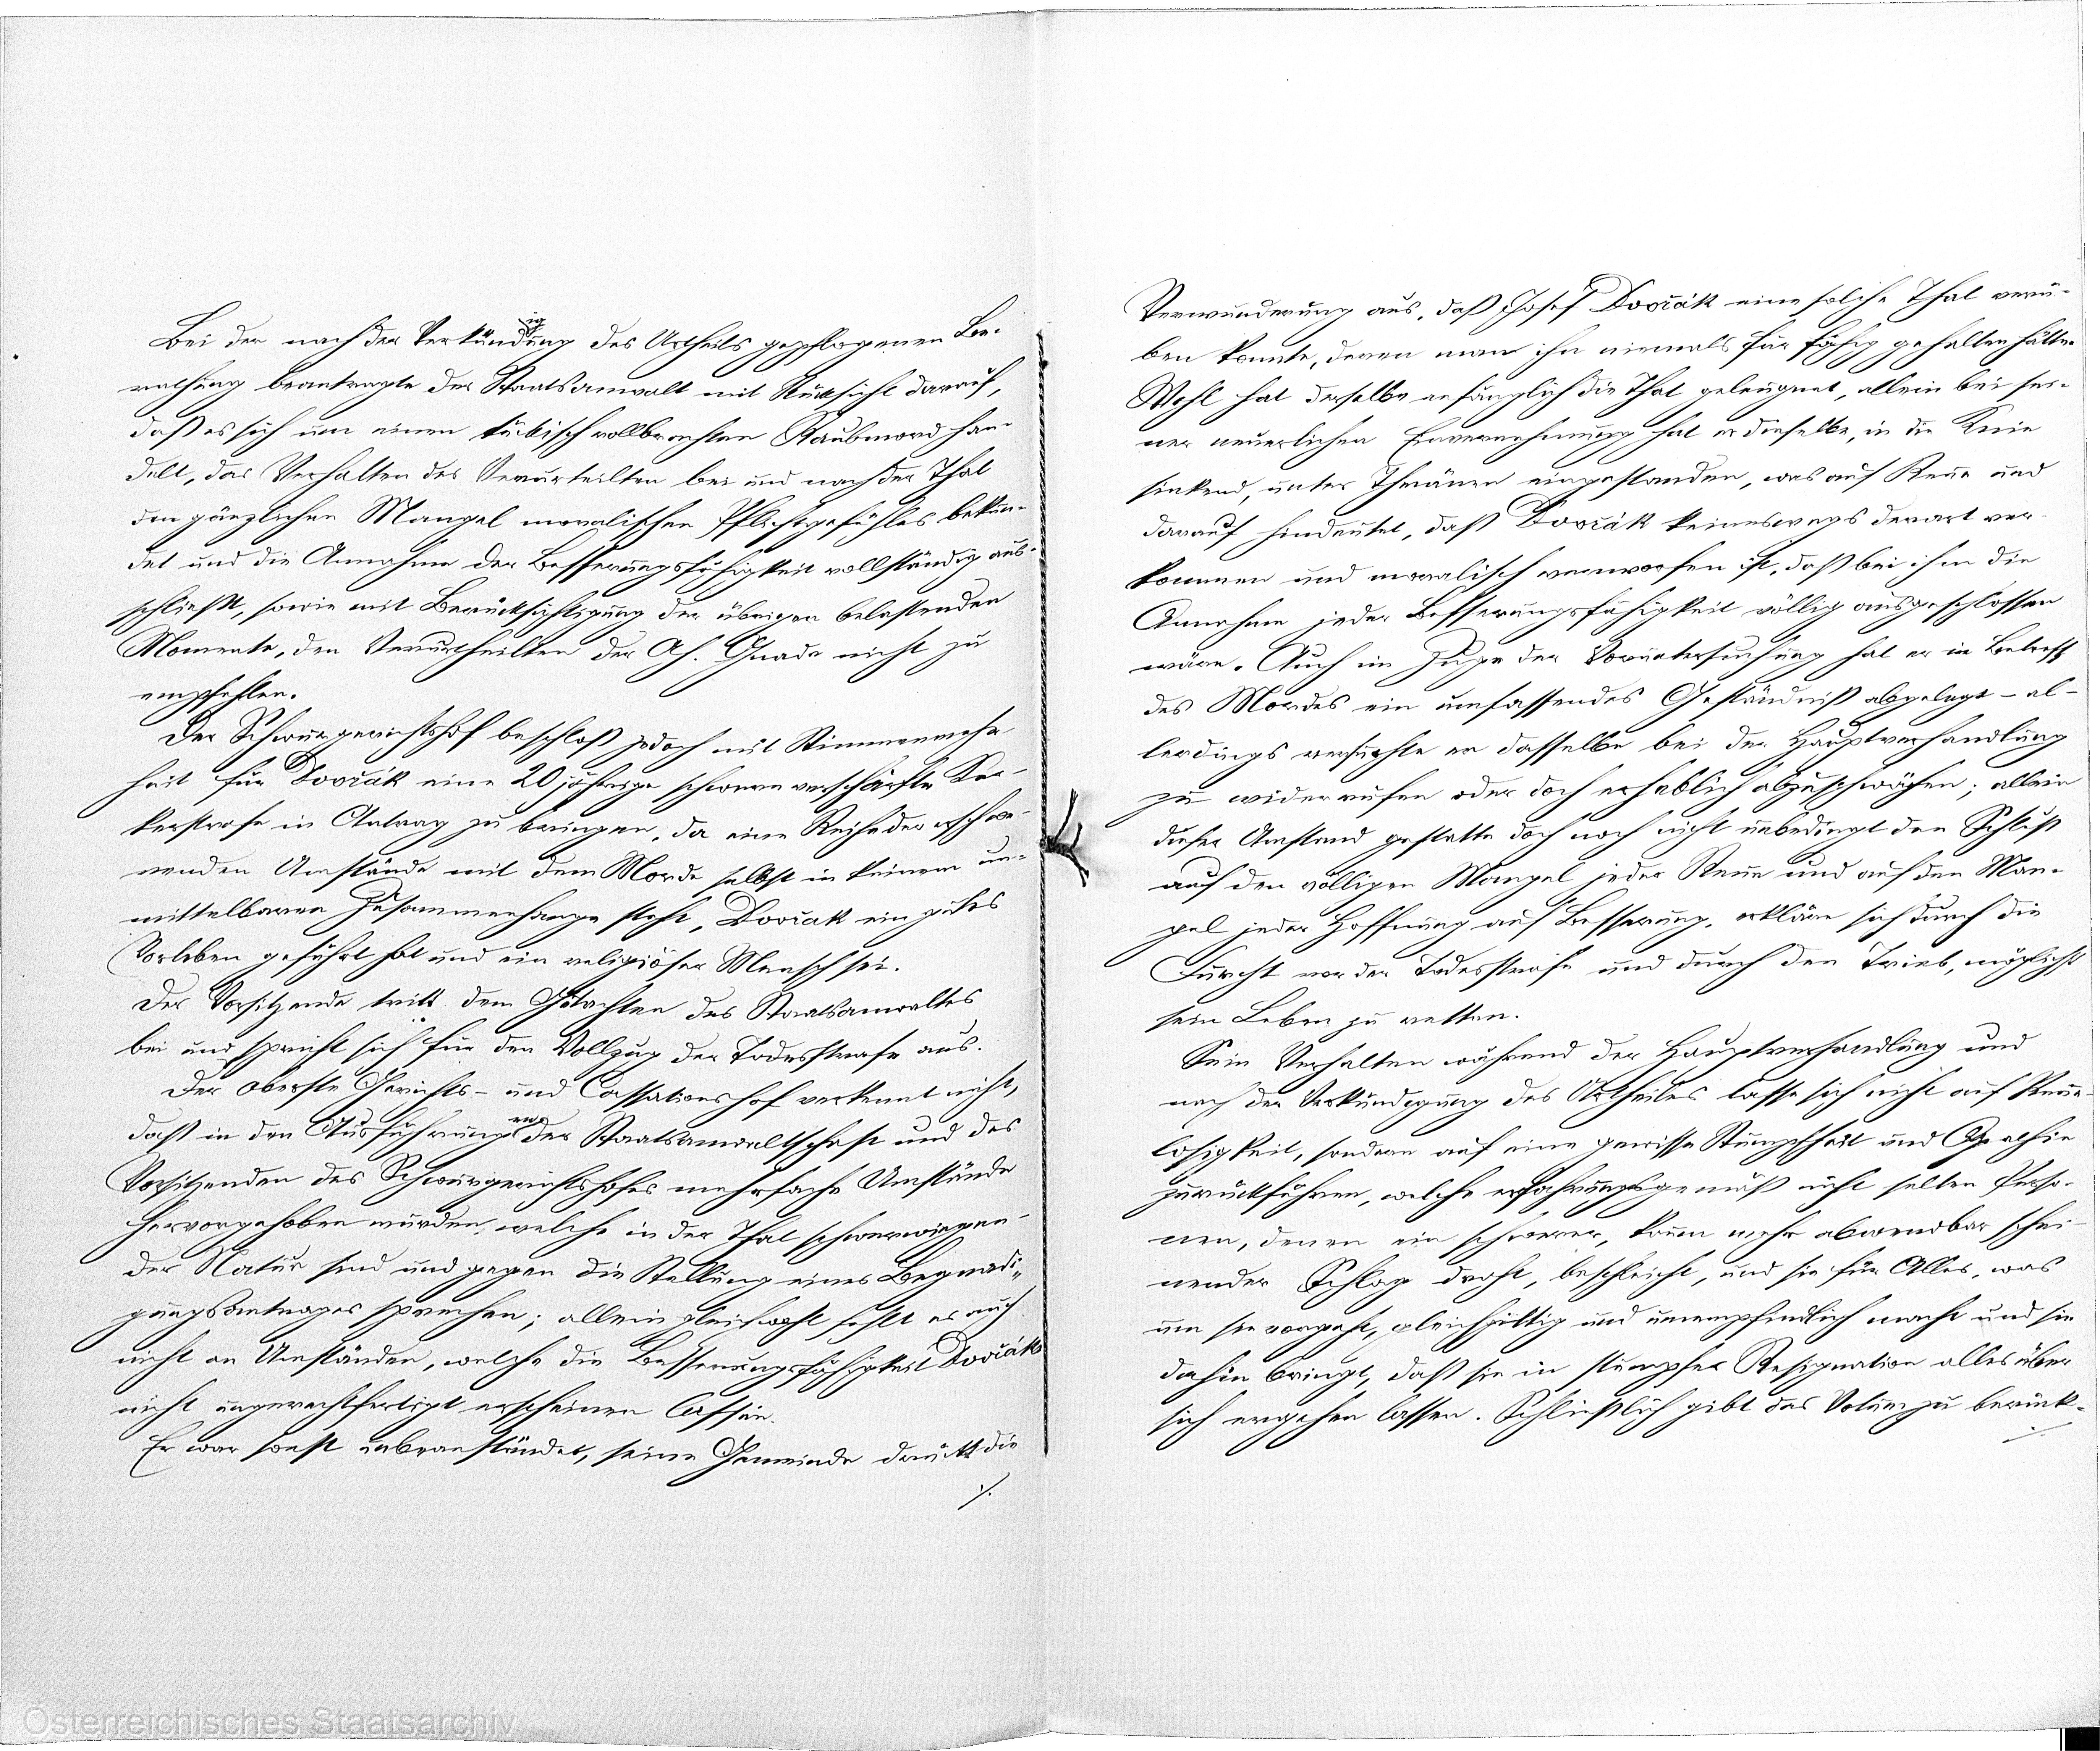Bei der nach der Verkündigung des Urtheils gepflogenen Be¬
rathung beantragte der Staatsanwalt mit Rucksicht darauf,
daß es sich um einen tückisch vollbrachten Raubmord han¬
delt, das Verhalten des Verurteilten bei und noch der Thal
den gänzlichen Mangel moralischen Pflichtgefühls bekun¬
det und die Annahme der Besserungsführigkeit vollständig aus¬
schließt, sowie mit Berücksichtigung der übrigen belastenden
Momente, den Verurtheilten der Af. Gnade nicht zu
empfehlen.
Der Schwurgerichtshof beschloß jedoch mit Stimmenmehr¬
heit für Dvořák eine 20jährige schwere verschärfte Ker¬
kerstrafe in Antrag zu bringen, da eine Reihe der erschwe¬
renden Urstände mit dem Morde selbst in keinen un¬
mittelbaren Zusammenhange steht, Dvořak ein gutes
Vorleben geführt hat und ein religiöser Mensch sei.
Der Vorsitz ende tritt dem Gutachten des Staatsanwaltes
bei und spricht sich für den Vollzug der Todesstrafe aus.
Der oberste Gerichts- und Cassationshof verkennt nicht,
en
daß in den Ausführung des Staatsanwaltshofe und des
Vorsitzenden des Schwurgerichtshofes mehrfache Umstände
Hervorgehoben wurden, welche in der Thal schwerwiegen -
der Natur sind und gegen die Stellung eines Begnadi¬
gungsantrages sprechen, allein gleichwohl fehlt es auch
nicht an Umständen, welche die Besserungsfähigstes Dvořák
nicht ungerechtfertigt erscheinen Cassin.
Er war sonst unbeanstründes, seine Gemeinde druck die
Verwunderung aus, daß Josef Dvořák eine solche That verü¬
ben konnte, deren man ihn niemals für fähig gehalten hätte.
Wohl hat derselbe anfänglich die That geleugnet, allein bei sei¬
ner neuerlichen Einvernehmung hat er dieselbe, in die Knie
sinkend, unter Thränen eingestanden, was auf Reue und
darauf hindeutet, daß Dvořák keineswegs derart ver¬
kommen und moralisch verworfen ist, daß bei ihm die
Annehme jeder Bessesungsfähigkeit völlig ausgeschlossen
wäre. Auf im Zuge der Voruntersuchung hat er in Betreff
des Mordes ein umfassendes Geständniß abgelegt - al¬
lerdings versuchte er dasselbe bei der Hauptverhandlung
zu wider rufen der doch erheblich abzuschwächen; allein
dieses Umstand gestatte doch noch nicht unbedingt den Schluß
auf den völligen Mangel jeder Reue und auf den Man¬
gel jeder Hoffnung auf Besserung, erkläre sich durch die
Furcht vor der Todesstrafe und durch den Trieb, möglichst
sein Leben zu retten.
Sein Verhalten während der Hauptverhandlung und
noch der Verkündigung des Urtheiles lasse sich nicht auf Keue¬
losigkeit, sondern auf eine gewisse Stumpfheit und Apathie
zurückführen, welche erfahrungsgemäß nicht selten Perso¬
nen, denen ein schwerer, kaum mehr abwendbar schei¬
nender Schlag droht, beschleicht, und sie für Altes, was
um sie vorgeht, gleichgültig und unempfindlich macht und sie
dahin bringt, daß sie in stumpfer Resignation alles über
sich ergehen lassen. Schließlich gibt des Volum zu berück